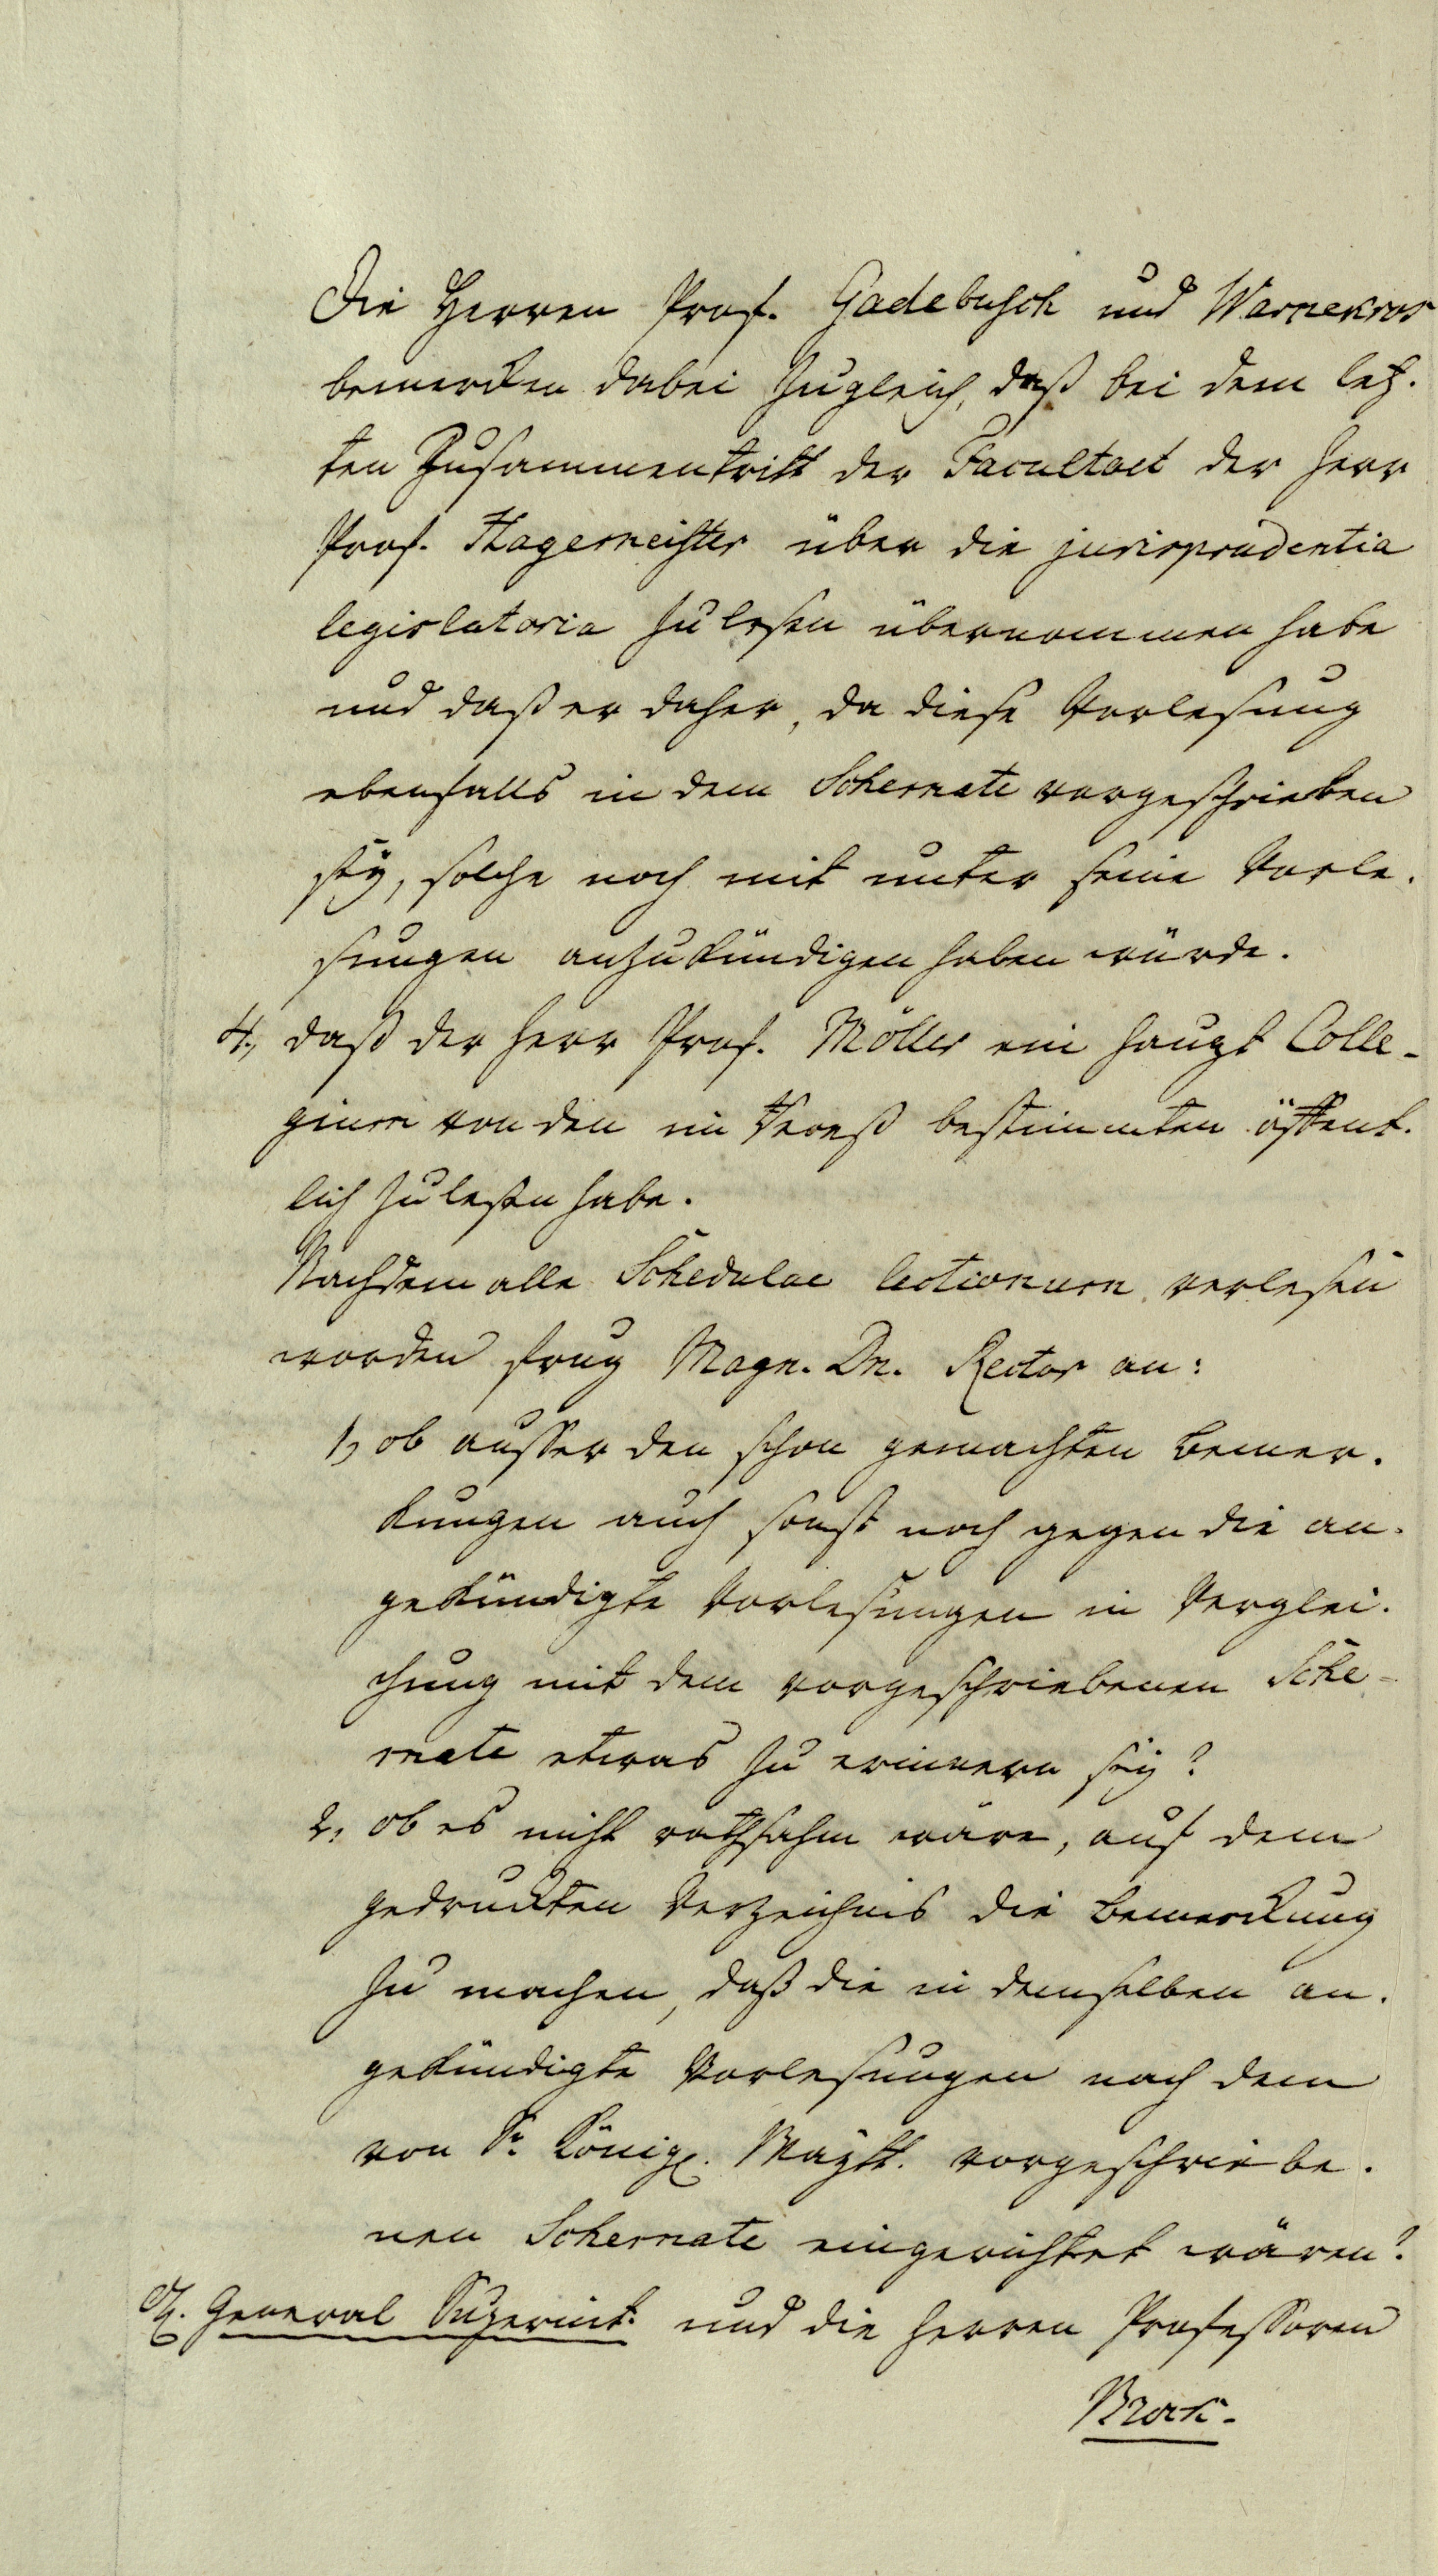die Herren Prof. Gadebusch und Warnekros
bemercken dabei zugleich, daß bei dem letz¬
ten Zusammentritt der Facultaet der Herr
Prof. Hagemeister über die jurisprudentia
legislatoria zu lesen übernommen habe
und daß er daher, da diese Vorlesung
ebenfalls in dem Schemate vorgeschrieben
seÿ, solche noch mit unter seine Vorle¬
sungen anzukündigen haben würde.
4., daß der Herr Prof. Möller ein Haupt Colle¬
gium von den in Receß bestimmten öffent¬
lich zu lesen habe.
Nachdem alle Schedulae lectionum verlesen
worden frug Magn. Dn. Rector an:
1, ob ausser den schon gemachten Bemer¬
kungen auch sonst noch gegen die an¬
gekündigte Vorlesungen in Verglei¬
chung mit dem vorgeschriebenen Sche¬
mate etwas zu erinnern seÿ?
2, ob es nicht rathsahm wäre, auf dem
gedruckten Verzeichnis die Bemerckung
zu machen, daß die in demselben an¬
gekündigte Vorlesungen nach dem
von Sr. Königl. Maÿtt. vorgeschriebe¬
nen Schemate eingerichtet wären?
dh. General Superint. und die Herren Professoren
Brock¬